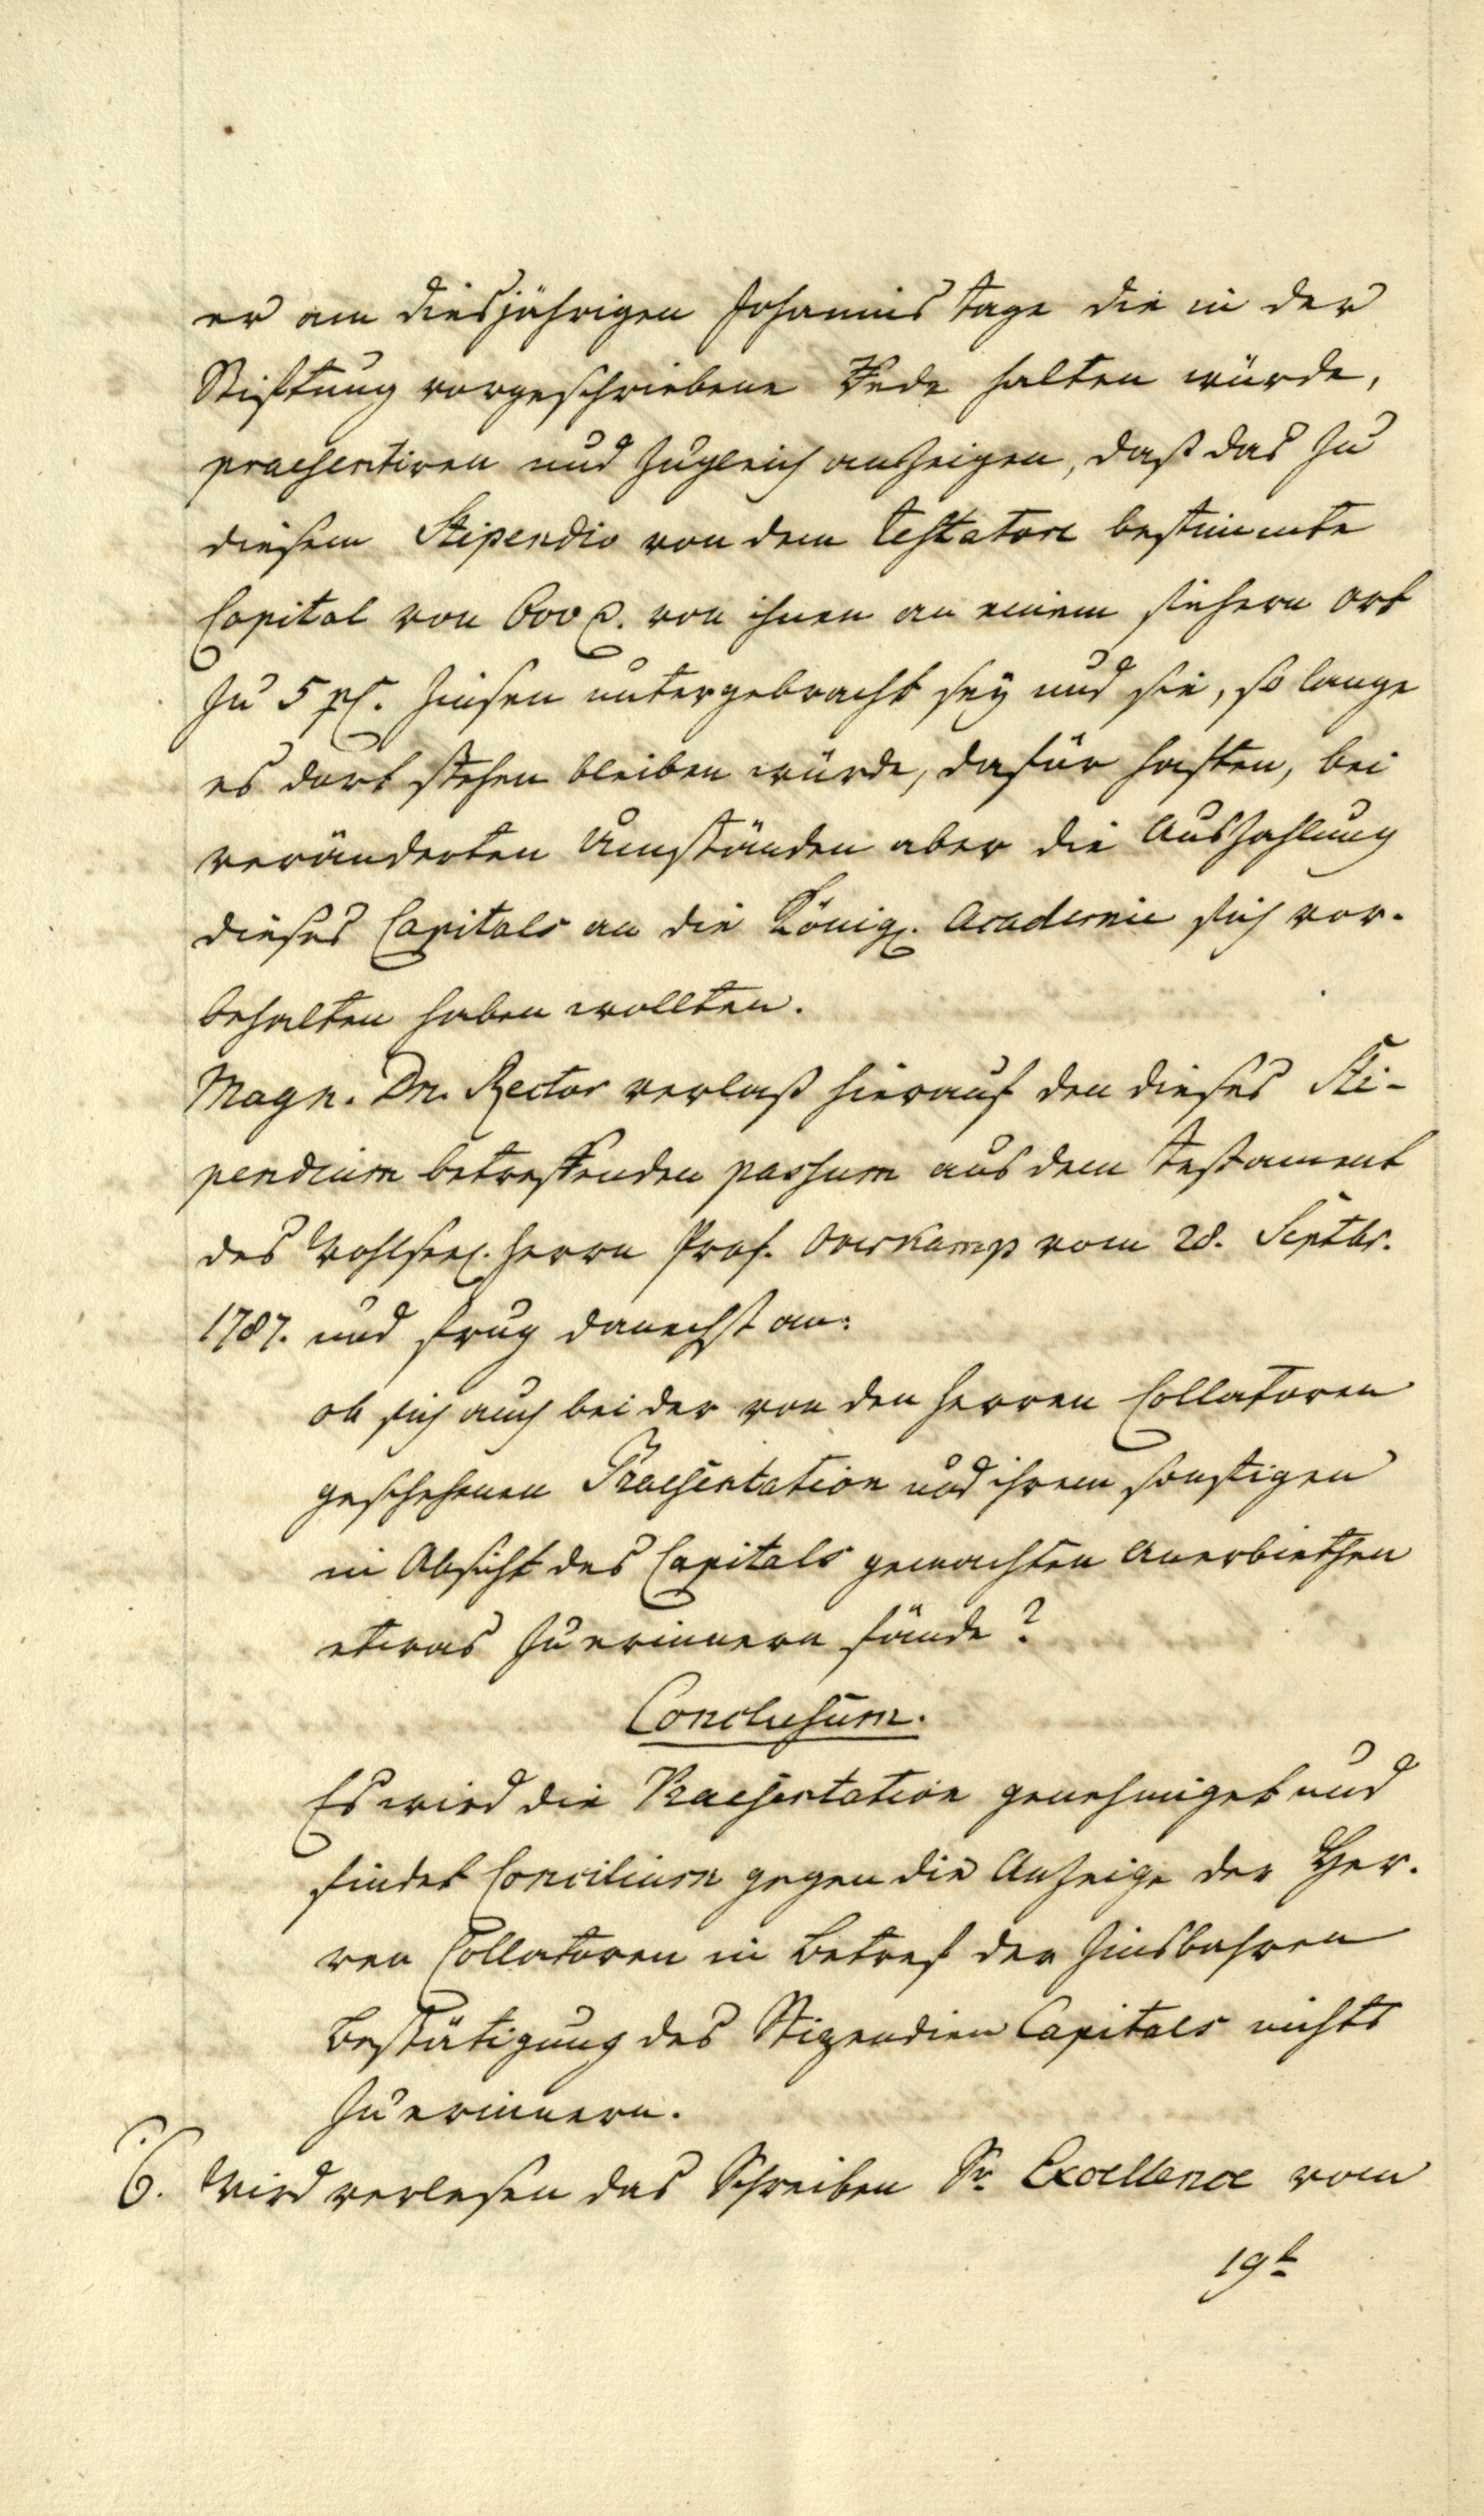er am diesjährigen Johannis Tage die in der
Stiftung vorgeschriebene Rede halten würde,
praesentiren und zugleich anzeigen, daß das zu
diesem Stipendio von dem Testatore bestimmte
Capital von 600 l. von ihnen an einem sichern Ort
zu 5 pl. Zinsen untergebracht seÿ und sie, so lange
es dort stehen bleiben würde, dafür haften, bei
veränderten Umständen aber die Auszahlung
dieses Capitals an die Königl. Academie sich vor¬
behalten haben wollten.
Magn. Dn. Rector verlaß hierauf den dieses Sti¬
pendium betreffenden passum aus dem Testament
des Wohlseel. Herrn Prof. Overkamp vom 28. Septbr.
1787. und frug danechst an:
ob sich auch bei der von den Herren Collatoren
geschehenen Praesentation und ihrem sonstigen
in Absicht des Capitals gemachten Anerbiethen
etwas zu erinnern fände?
Conclusum.
Es wird die Praesentation genehmiget und
findet Concilium gegen die Anzeige der Her¬
ren Collatoren in Betref der zinsbahren
Bestätigung des Stipendien Capitals nichts
zu erinnern.
6. Wird verlesen das Schreiben Sr Excellence vom
19 t